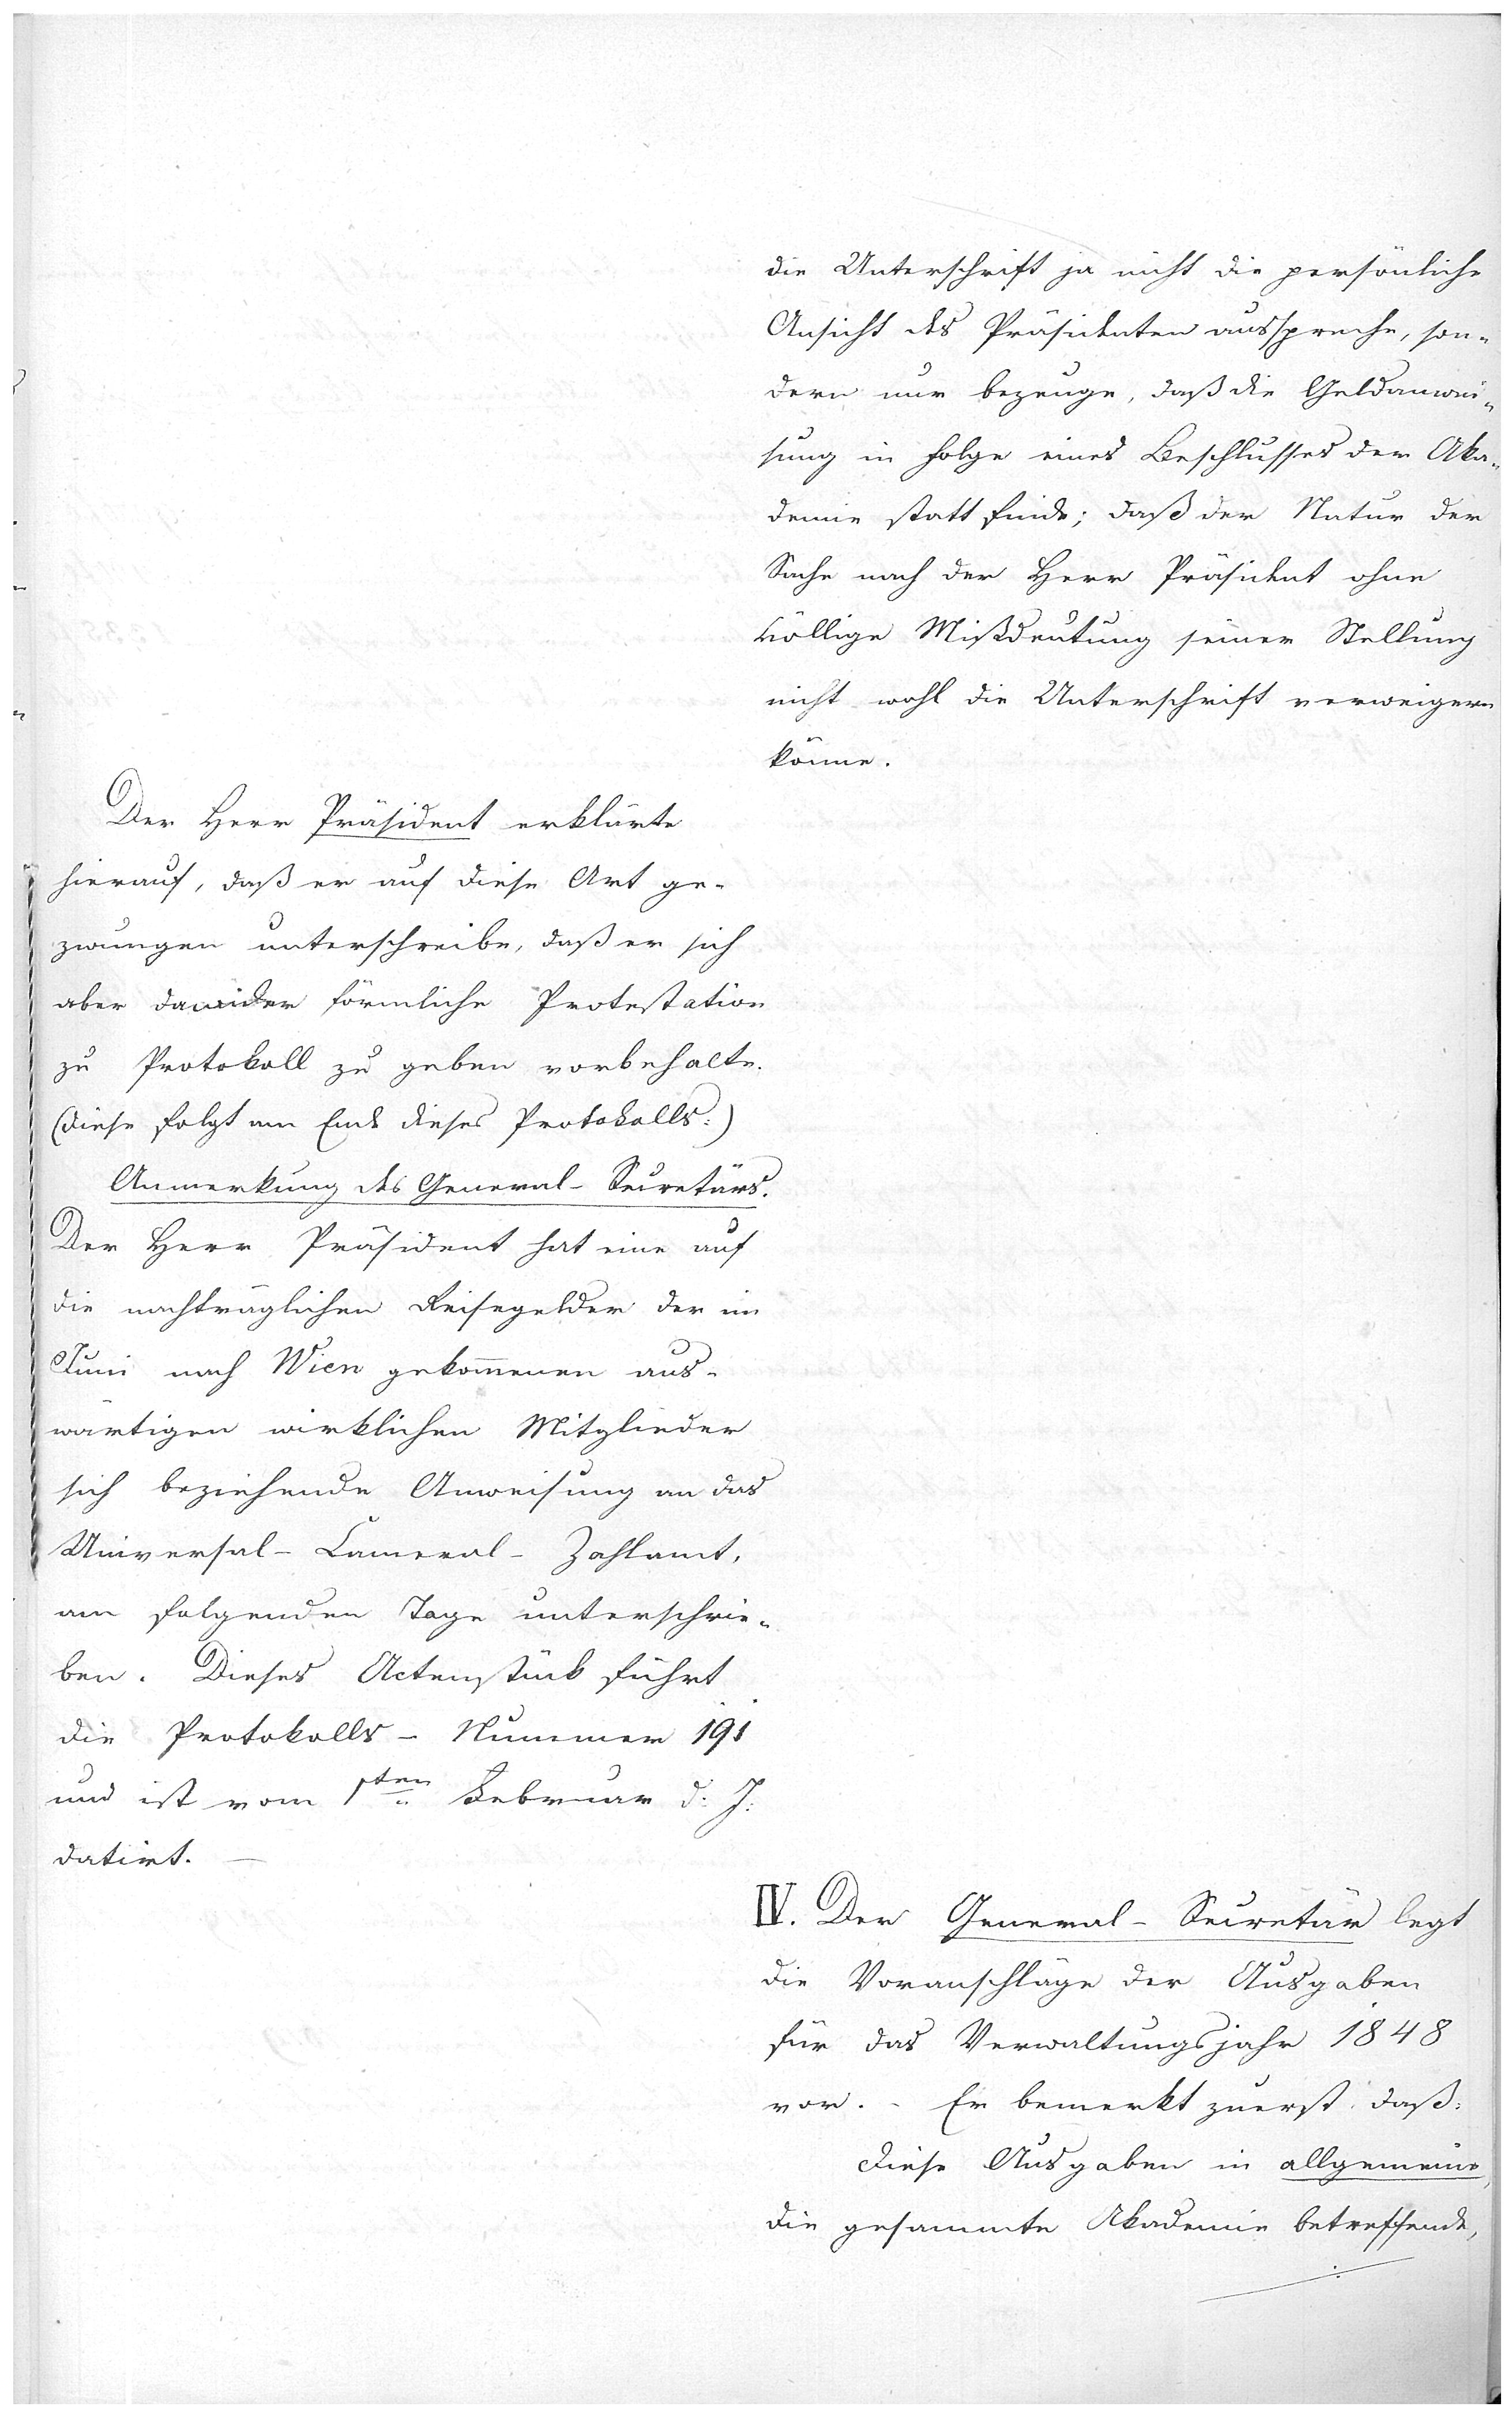die Unterschrift ja nicht die persönliche
Ansicht des Präsidenten ausspreche, son-
dern nur bezeuge, daß die Geldanwei-
sung in Folge eines Beshclusses der Aka-
demie stattfinde; daß der Natur der
Sache nach der Herr Präsident ohne
völlige Mißdeutung seiner Stellung
nicht wohl die Unterschrift verweigern
könne.
Der Herr Präsident erklärte
hierauf, daß er auf diese Art ge-
zwungen unterschreibe, daß er sich
aber dawider förmliche Protestation
zu Protokoll zu geben vorbehalte.
(diese folgt am Ende dieses Protokolls:)
Anmerkung des General-Secretärs.
Der Herr Präsident hat eine auf
die nachträgliche Reisegelder der im
Juni nach Wien gekommenen aus-
wärtigen wirklichen Mitglieder
sich beziehende Anweisung an das
Universal-Cameral-Zahlamt
am folgenden Tage unterschrie-
ben. Dieses Actenstück führt
die Protokolls-Nummer 191
und ist vom 1ten Februar d: J:
datirt.
IV. Der General-Secretär legt
die Voranschläge der Ausgaben
für das Verwaltungsjahr 1848
vor. Er bemerkt zuerst, daß
diese Ausgaben in allgemeine,
die gesammte Akademie betreffende,